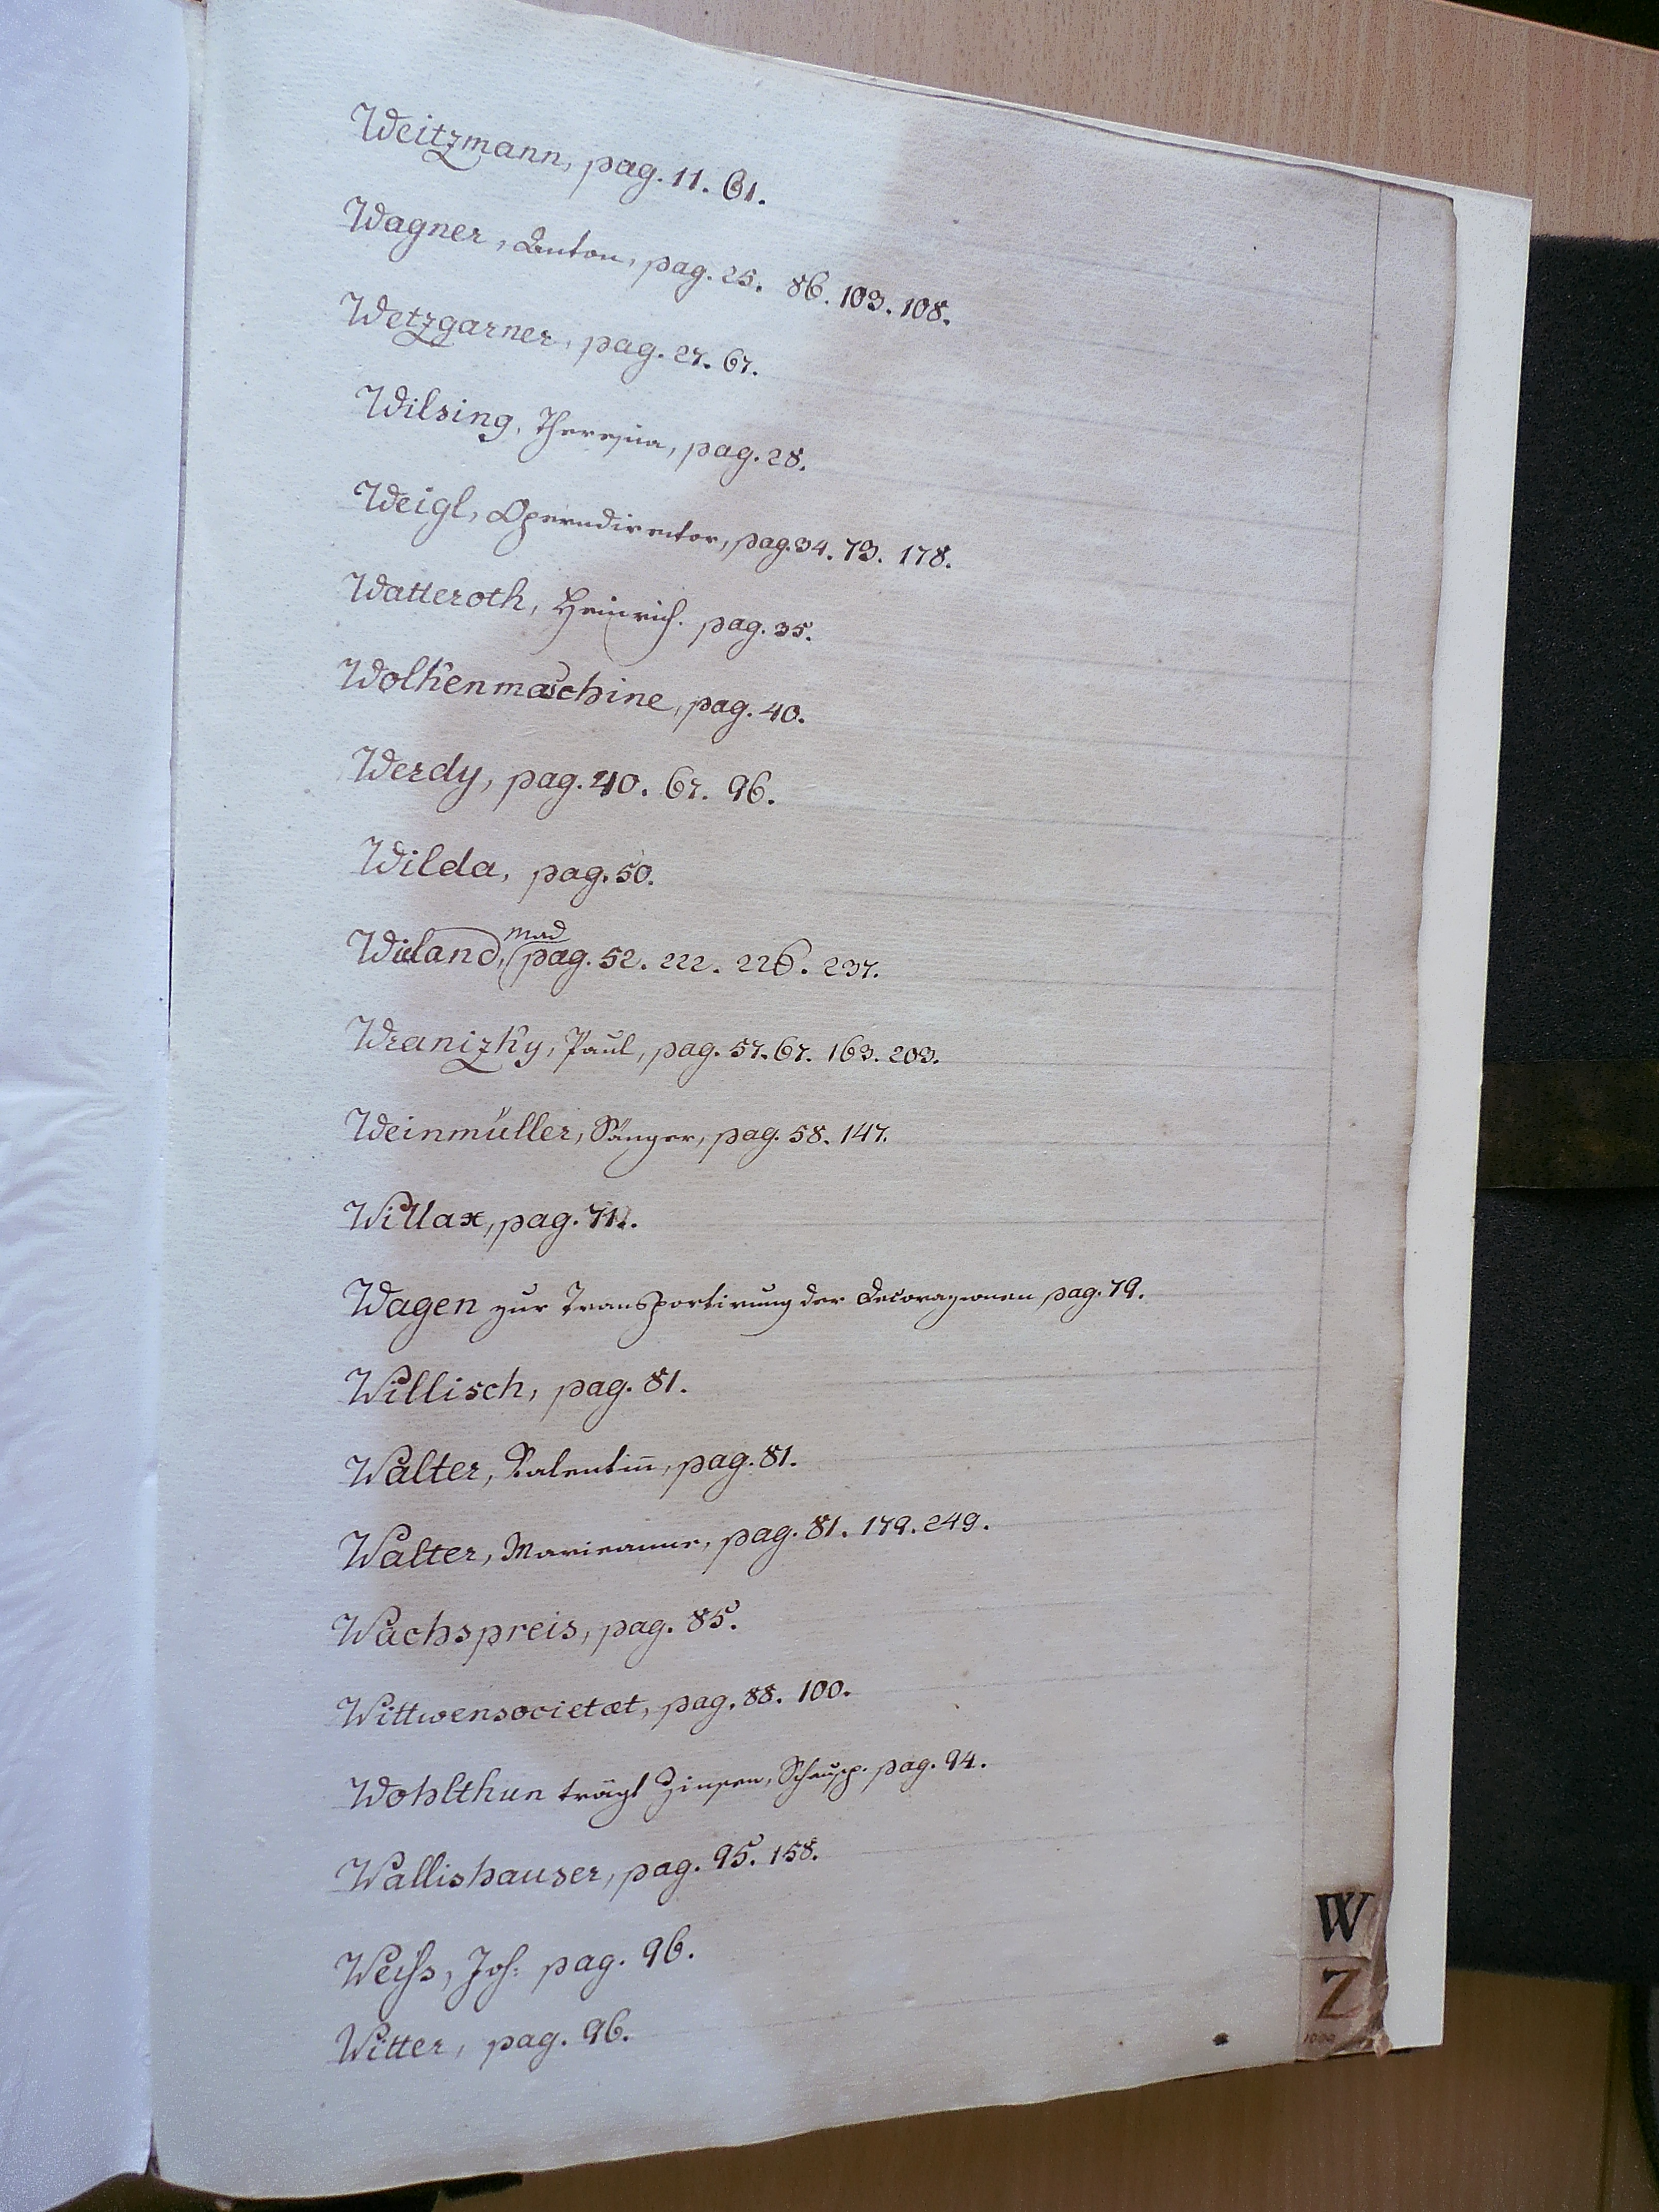W
Weitzmann, pag. 11. 61.
Wagner, Anton, pag. 25. 86. 103. 108.
Wetzgarner, pag. 27. 67.
Wilsing, Theresia, pag. 28.
Weigl, Operndirector, pag. 34. 73. 178.
Watteroth, Heinrich. pag. 35.
Wolkenmaschine, pag. 40.
Werdy, pag. 40. 67. 96.
Wilda, pag.50.
Wieland,Madpag. 52. 222. 226. 237.
Wranizky, Paul, pag. 57. 67. 163. 203.
Weinmüller, Sänger, pag. 58. 147.
Willax, pag. 71.
Wagen zur Transportirung der Decorazionen pag. 79.
Willisch, pag. 81.
Walter, Valentin̅, pag. 81.
Walter, Marieanne, pag. 81. 179. 249.
Wachspreis, pag. 85.
Wittwensocietæt, pag. 88. 100.
Wohlthun trägt Zinsen, Schausp. pag. 94.
Wallishauser, pag 95. 158.
Weihs, Joh: pag. 96.
Witter, pag. 96.